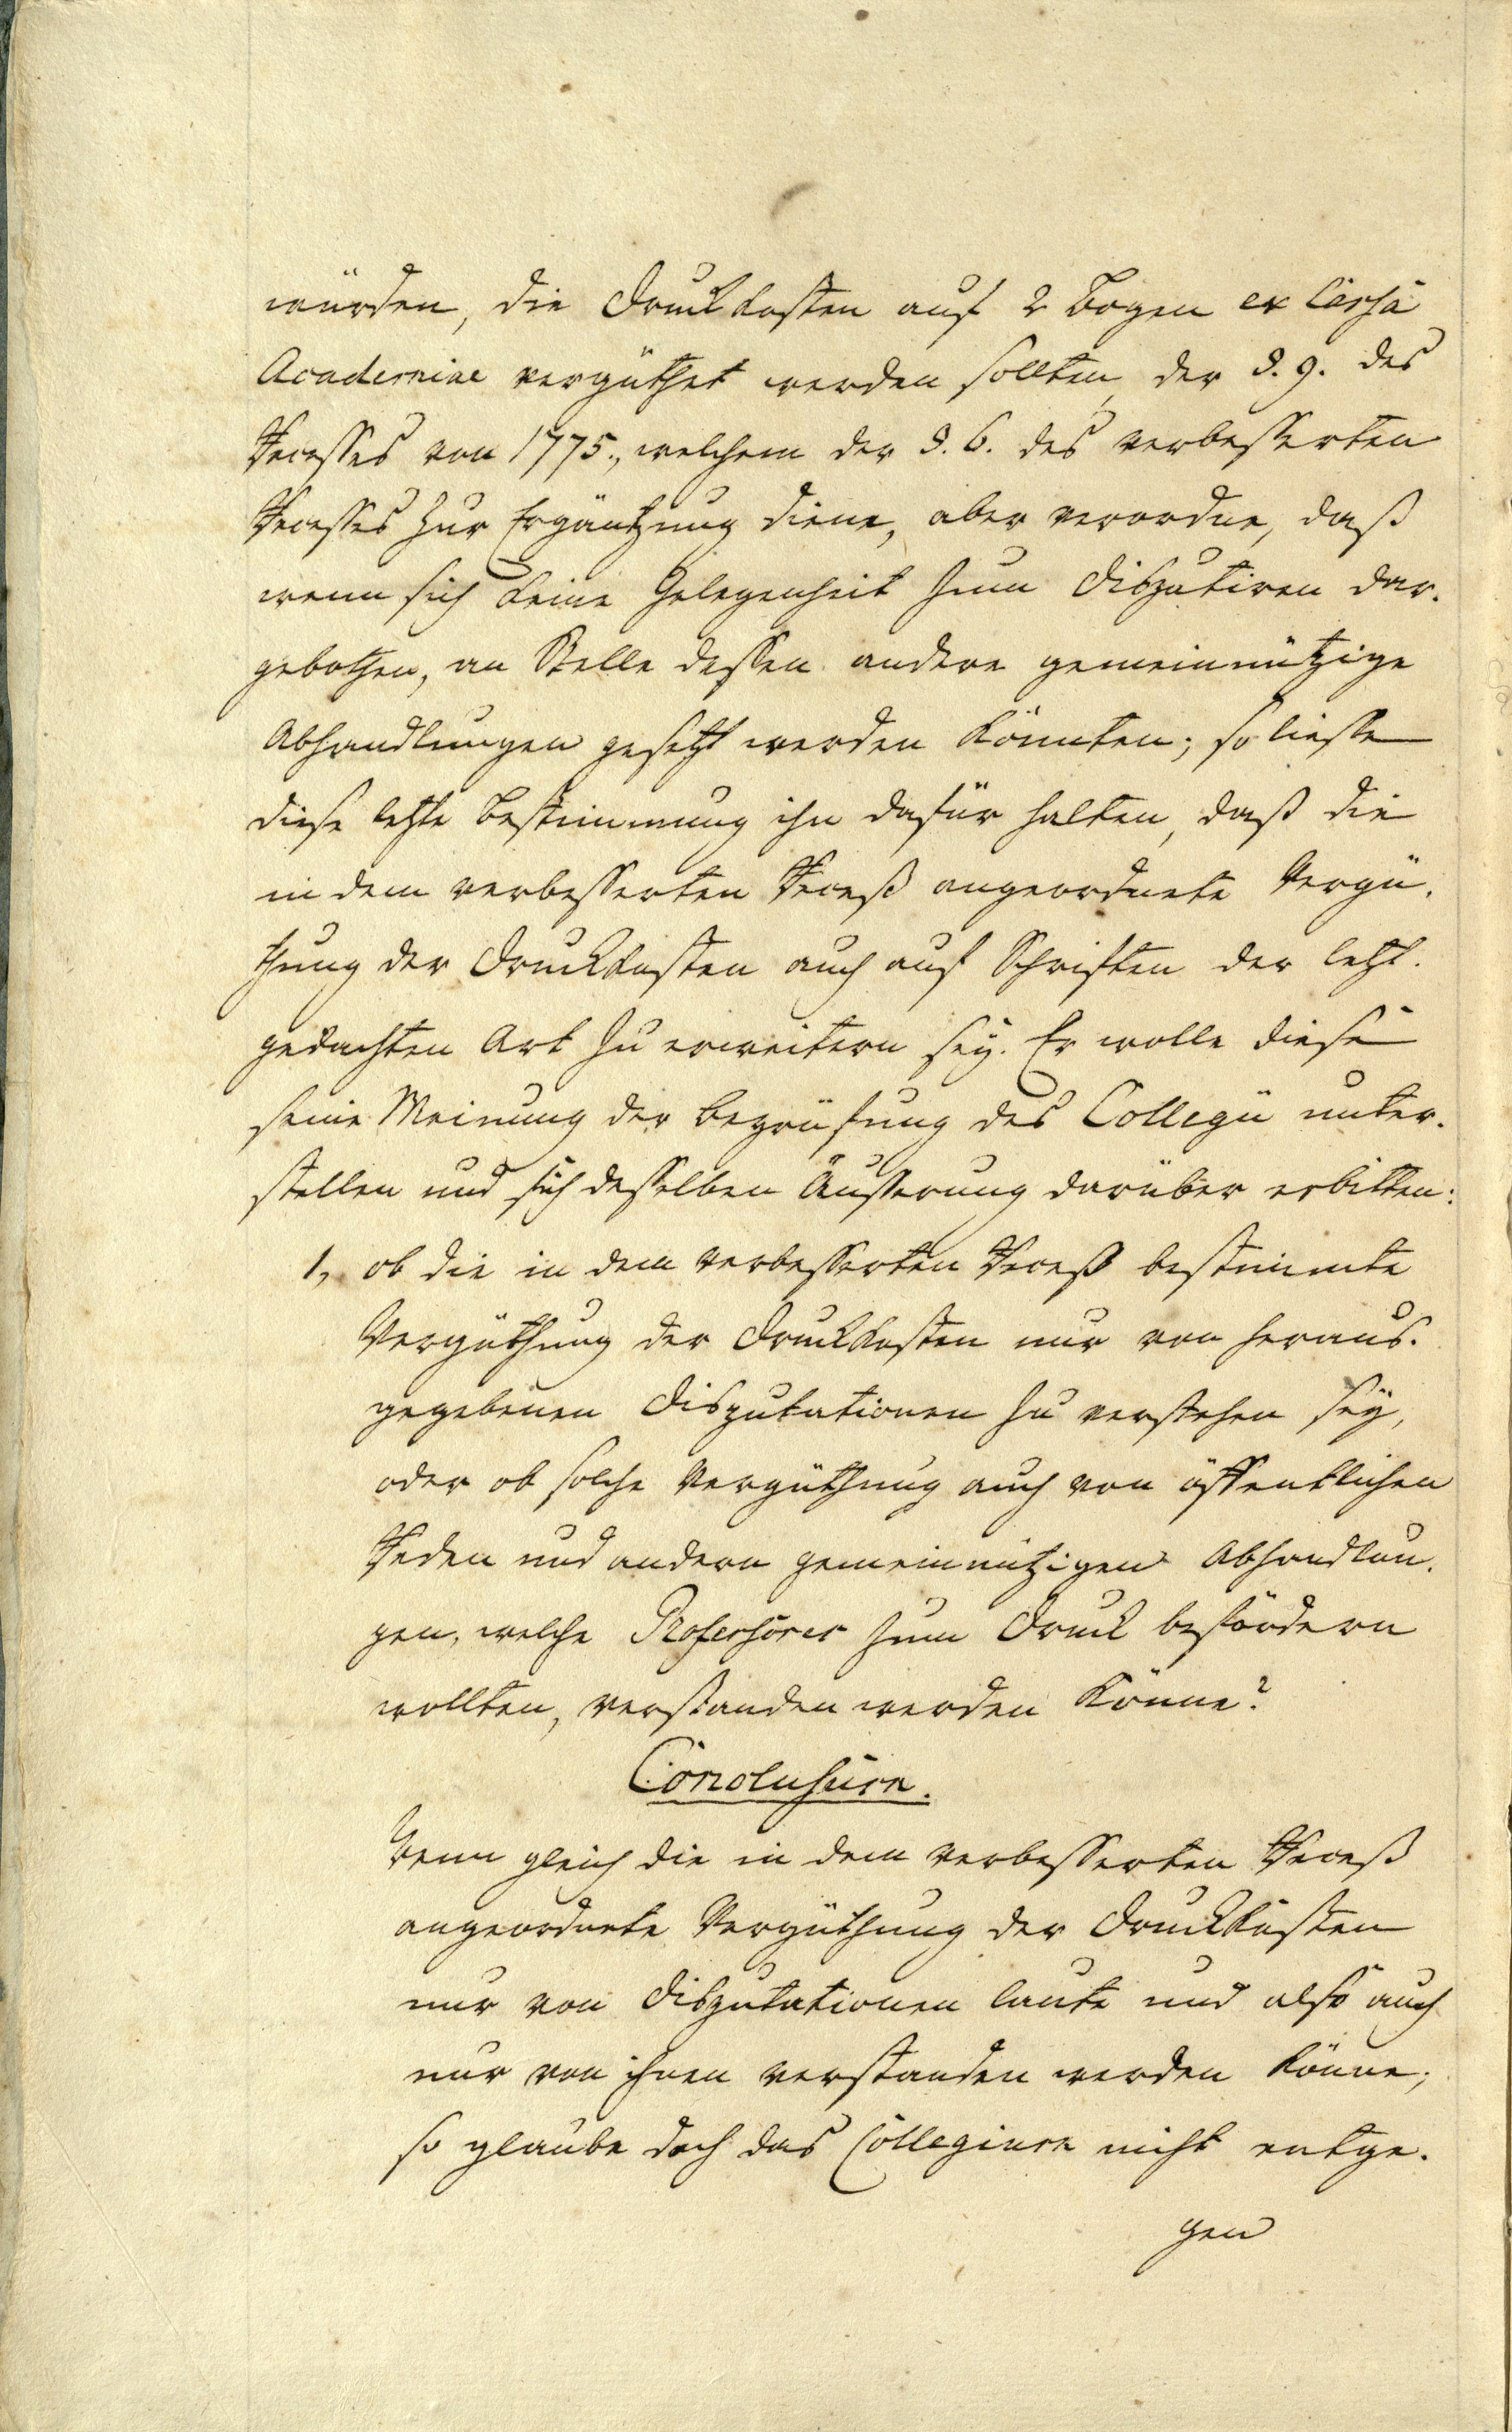wären , die Druck kosten auf 2 Bogen ex Cassa
Academiae vergüthet werden sollten der §. 9. des
Recesses von 1775., welchem der §. 6. des verbesserten
Recesses zur Ergäntzung diene, aber verordne, daß
wenn sich keine Gelegenheit zum Disputiren dar¬
gebothen, an Stelle dessen andere gemeinnützige
Abhandlungen gesetzt werden könnten, so liesse
diese letzte Bestimmung ihn dafür halten, daß die
in dem verbesserten Receß angeordnete Vergü¬
thung der Druckkosten auch auf Schriften der letzt¬
gedachten Art zu erweitern seÿ. Er wolle diese
seine Meinung der Beprüfung des Collegii unter¬
stellen und sich desselben Äusserung darüber erbitten:
1 , ob die in dem verbesserten Receß bestimmte
Vergüthung der Druckkosten nur von heraus¬
gegeben Disputationen zu verstehen seÿ,
oder ob solche Vergüthung auch von öffentlichen
Reden und andern gemeinnützigen Abhandlun¬
gen, welche Professores zum Druck befördern
wollten, verstanden werden könne?
Conclusum
Wenn gleich die in dem verbesserten Receß
angeordnete Vergüthung der Druckkosten
nur von Disputationen laute und also auch
nur von ihnen verstanden werden könne,
so glaube doch das Collegium nicht entge¬
gen